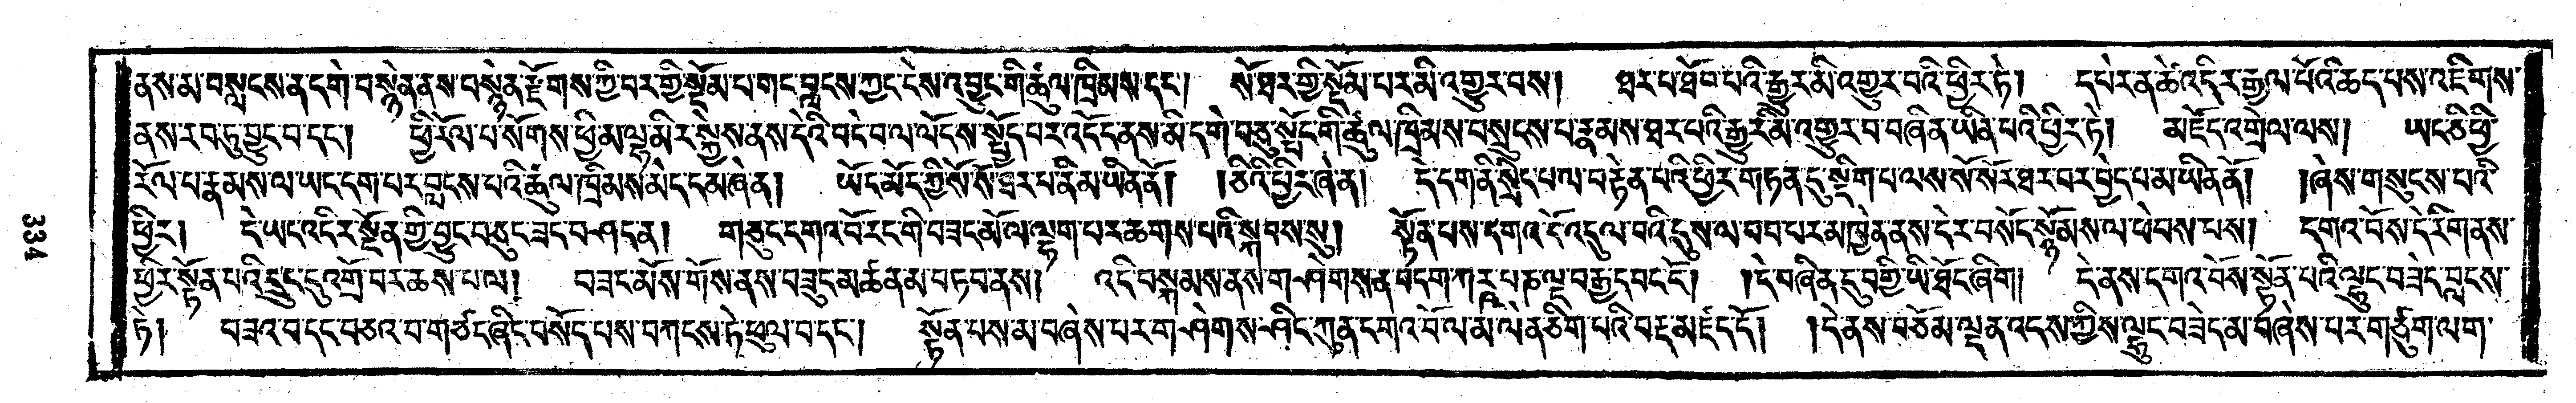ནས་མ་བསླངས་ན་དགེ་བསྙེན་ནས་བསྙེན་རྫོགས་ཀྱི་བར་གྱི་སྔོམ་པ་གང་བླངས་ཀྱང་ངེས་འབྱུང་གི་ཚུལ་ཁྲིམས་དང་། སོ་ཐར་གྱི་སྡོམ་པར་མི་འགྱུར་བས། ཐར་པ་ཐོབ་པའི་རྒྱུར་མི་འགྱུར་པའི་ཕྱིར་ཏེ། དཔེར་ན་ཚེ་འདིར་རྒྱལ་པོའི་ཆད་པས་འཇིགས་
ནས་རབ་ཏུ་བྱུང་བ་དང་། ཕྱི་རོལ་པ་སོགས་ཕྱི་མ་ལྷ་མིར་སྐྱེས་ནས་དེའི་བདེ་བ་ལ་ལོངས་སྤྱོད་པར་འདོད་ནས་མི་དགེ་བཅུ་སྤོང་གི་ཚུལ་ཁྲིམས་བསྲུངས་པ་རྣམས་ཐར་པའི་རྒྱུར་མི་འགྱུར་བ་བཞིན་ཡིན་པའི་ཕྱིར་ཏེ། མཛོད་འགྲེལ་ལས། ཡང་ཅི་ཕྱི་
རོལ་པ་རྣམས་ལ་ཡང་དག་པར་བླངས་པའི་ཚུལ་ཁྲིམས་མེད་དམ་ཞེ་ན། ཡོང་མོད་ཀྱི་སོ་སོ་ཐར་པ་ནི་མ་ཡིན་ནོ། །ཅིའི་ཕྱིར་ཞེ་ན། དེ་དག་ནི་སྲིད་པ་ལ་བརྟེན་པའི་ཕྱིར་གཏན་དུ་སྡིག་པ་ལས་སོ་སོར་ཐར་པར་བྱེད་པ་མ་ཡིན་ནོ། །ཞེས་གསུངས་པའི་
ཕྱིར། དེ་ཡང་འདིར་སྔོན་གྱི་བྱུང་བ་ཅུང་ཟད་བཤད་ན། གཅུང་དགའ་བོ་རང་གི་བཟང་མོ་ལ་ལྷག་པར་ཆགས་པའི་སྐབས་སུ། སྟོན་པས་དགའ་ངོ་འདུལ་བའི་དུས་ལ་བབ་པར་མཁྱེན་ནས་དེར་བསོད་སྙོམས་ལ་ཕེབས་པས། དགའ་བོས་དེ་རིག་ནས་
ཕྱིར་སྟོན་པའི་དྲུང་དུ་འགྲོ་བར་ཆས་པ་ལ། བཟང་མོས་གོས་ནས་བཟུང་མཚན་མ་བཏབ་ནས། འདི་བསྐམས་ནས་གཤེགས་ན་བདག་ཀར་པཎ་ལྔ་བརྒྱ་དབང་ངོ། །དེ་བཞིན་དུ་བགྱི་ཡི་ཐོང་ཞིག། དེ་ནས་དགའ་བོས་སྟོན་པའི་ལྷུང་བཟེད་བླངས་
ཏེ། བཟའ་བ་དང་བཅའ་བ་གཙང་ཞིང་བསོད་པས་བཀངས་ཏེ་ཕུལ་བ་དང་། སྟོན་པས་མ་ཞེས་པར་གཤེགས་ཤིང་ཀུན་དགའ་བོ་ལ་མ་ལེན་ཅིག་པའི་བརྡ་མཛད་དོ། །དེ་ནས་བཅོམ་ལྡན་འདས་ཀྱིས་ལྷུང་བཟེད་མ་བཞེས་པར་གཙུག་ལག་